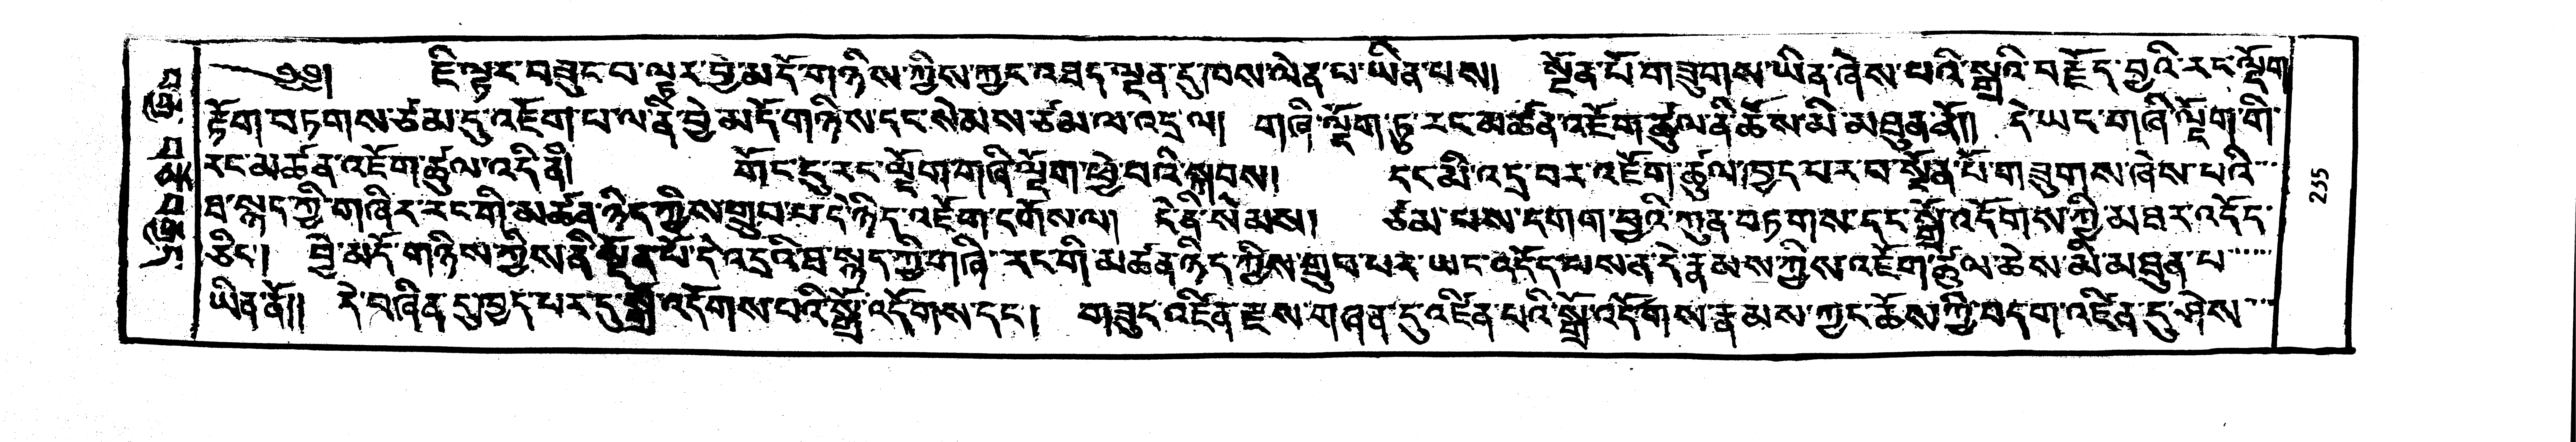༄༅། །ཇི་ལྟར་བཟུང་བ་ལྟར་བྱེ་མདོ་གཉིས་ཀྱིས་ཀྱང་འཐད་ལྡན་དུ་ཁས་ལེན་པ་ཡིན་པས། སྔོན་པོ་གཟུགས་ཡིན་ཞེས་པའི་སྒྲའི་བརྗོད་བྱའི་རང་ལྡོག་
རྟོག་བཏགས་ཙམ་དུ་འཇོག་པ་ལ་ནི་བྱེ་མདོ་གཉིས་དང་སེམས་ཙམ་ལ་འདྲ་ལ། གཞི་ལྡོག་ཏུ་རང་མཚན་འཇོག་ཚུལ་ནི་ཆོས་མི་མཐུན་ནོ།། དེ་ཡང་གཞི་ལྡོག་གི་
རང་མཚན་འཇོག་ཚུལ་འདི་ནི། གོང་དུ་རང་ལྡོག་གཞི་ལྡོག་ཕྱེ་བའི་སྐབས། དང་མི་འདྲ་བར་འཇོག་ཚུལ་ཁྱད་པར་བ་སྔོན་པོ་གཟུགས་ཞེས་པའི་
ཐ་སྙད་ཀྱི་གཞིར་རང་གི་མཚན་ཉིད་ཀྱིས་གྲུབ་པ་དེ་ཉིད་འཇོག་དགོས་ལ། དེ་ནི་སེམས། ཙམ་པས་དགག་བྱའི་ཀུན་བཏགས་དང་སྒྲོ་འདོགས་ཀྱི་མཐར་འདོད་
ཅིང་། བྱེ་མདོ་གཉིས་ཀྱིས་ནི་སྔོན་པོ་དེ་འདྲའི་ཐ་སྙད་ཀྱི་གཞི་རང་གི་མཚན་ཉིད་ཀྱིས་གྲུབ་པར་ཡང་འདོད་པས་ན་དེ་རྣམས་ཀྱིས་འཇོག་ཚུལ་ཆེས་མི་མཐུན་པ་
ཡིན་ནོ།། དེ་བཞིན་དུ་ཁྱད་པར་དུ་སྒྲོ་འདོགས་པའི་སྒྲོ་འདོགས་དང་། གཟུང་འཛིན་རྫས་གཞན་དུ་འཛིན་པའི་སྒྲོ་འདོགས་རྣམས་ཀྱང་ཆོས་ཀྱི་བདག་འཛིན་དུ་ཤེས་